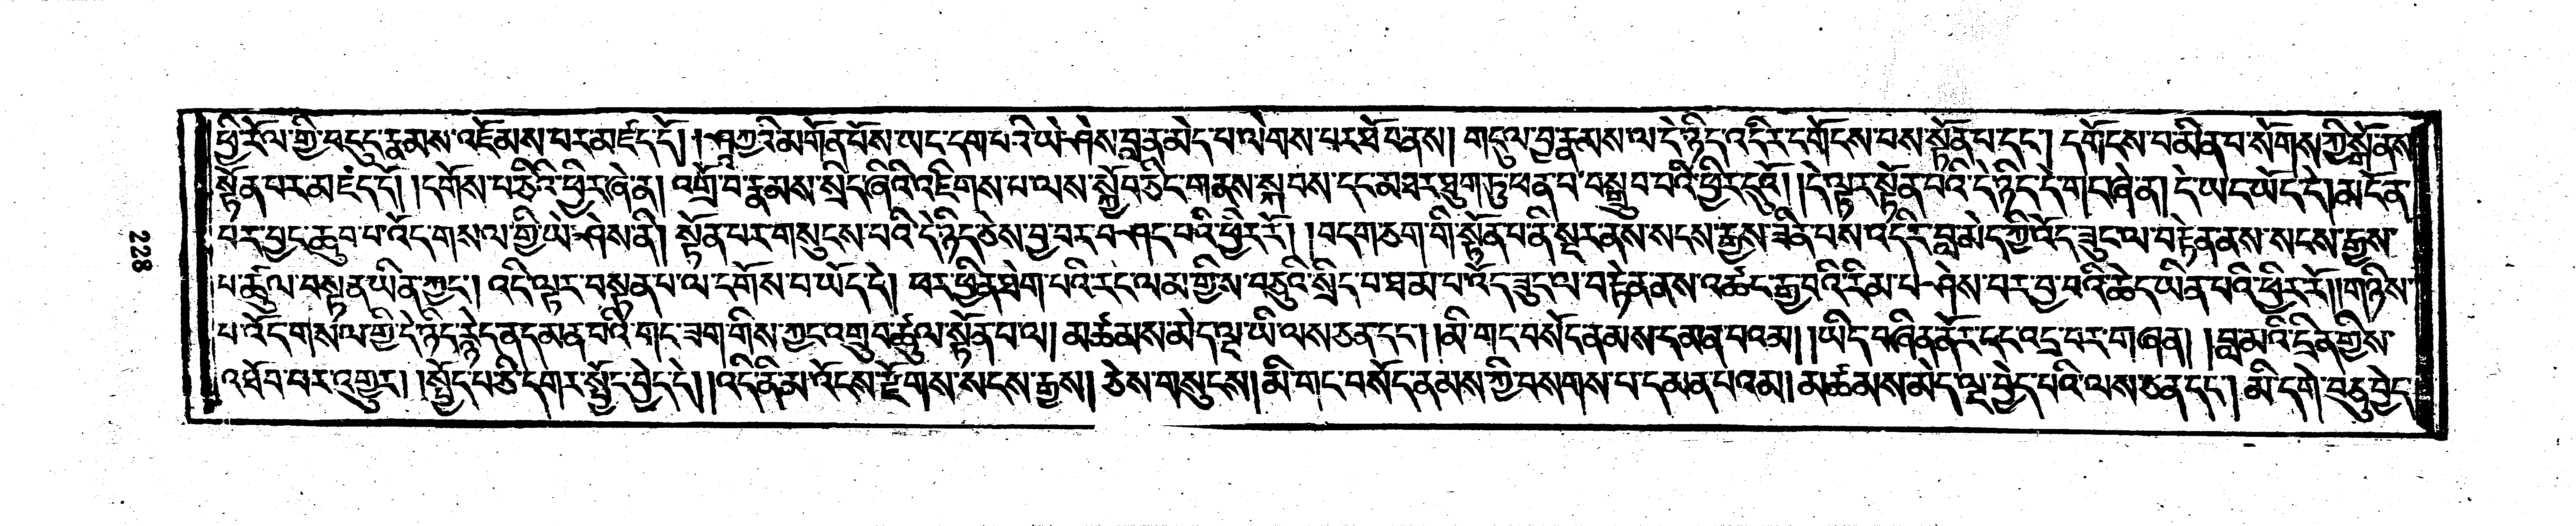ཕྱི་རོལ་གྱི་བདུད་རྣམས་འཇོམས་པར་མཛད་དོ། །ཤཱཀྱའི་མགོན་པོས་ཡང་དག་པའི་ཡེ་ཤེས་བླ་ན་མེད་པ་ལེགས་པར་ཐོབ་ནས། གདུལ་བྱ་རྣམས་ལ་དེ་ཉིད་འདིར་དགོངས་པས་སྟོན་པ་དང་། དགོངས་པ་མིན་པ་སོགས་ཀྱི་སྒོ་ནས་
སྟོན་པར་མཛད་དོ། །དགོས་པ་ཅིའི་ཕྱིར་ཞེ་ན། འགྲོ་བ་རྣམས་སྲིད་ཞིའི་འཇིགས་པ་ལས་སྐྱོབ་ཅིང་གནས་སྐབས་དང་མཐར་ཐུག་ཏུ་ཕན་པ་བསྒྲུབ་པའི་ཕྱིར་དུའོ། །དེ་ལྟར་སྟོན་པའི་དེ་ཉིད་དེ་གང་ཞེ་ན། དེ་ཡང་ཡོད་དེ། མངོན་
པར་བྱང་ཆུབ་པ་འོད་གསལ་གྱི་ཡེ་ཤེས་ནི། སྟོན་པར་གསུངས་པའི་དེ་ཉིད་ཅེས་བྱ་བར་བཤད་པའི་ཕྱིར་རོ། །བདག་ཅག་གི་སྟོན་པ་ནི་སྔར་ནས་སངས་རྒྱས་ཟིན་པས་འདིར་བླ་མེད་ཀྱི་འོད་ཟུང་ལ་བརྟེན་ནས་སངས་རྒྱས་
པ་ཚུལ་བསྟན་ཡིན་ཀྱང་། འདི་ལྟར་བསྟན་པ་ལ་དགོས་པ་ཡོད་དེ། ཕར་ཕྱིན་ཐེག་པའི་རང་ལམ་གྱིས་བཅུའི་སྲིད་པ་ཐ་མ་པ་འོད་ཟུང་ལ་བརྟེན་ནས་འཚང་རྒྱ་བའི་རིམ་པ་ཤེས་པར་བྱ་བའི་ཆེད་ཡིན་པའི་ཕྱིར་རོ། །གཉིས་
པ་འོད་གསལ་གྱི་དེ་ཉིད་རྙེད་ན་དམན་པའི་གང་ཟག་གིས་ཀྱང་འགྲུབ་ཚུལ་སྟོན་པ་ལ། མཚམས་མེད་ལྔ་ཡི་ལས་ཅན་དང་། །མི་གང་བསོད་ནམས་དམན་པའམ། །ཡིད་བཞིན་ནོར་དང་འདྲ་བར་གཞན། །བླ་མའི་དྲིན་གྱིས་
འཐོབ་པར་འགྱུར། །སྤྱོད་པ་ཅི་དགར་སྤྱོད་བྱེད་དེ། །འདི་ནི་མ་འོངས་རྫོགས་སངས་རྒྱས། ཅེས་གསུངས། མི་གང་བསོད་ནམས་ཀྱི་བསགས་པ་དམན་པའམ། མཚམས་མེད་ལྔ་བྱེད་པའི་ལས་ཅན་དང་། མི་དགེ་བཅུ་བྱེད་